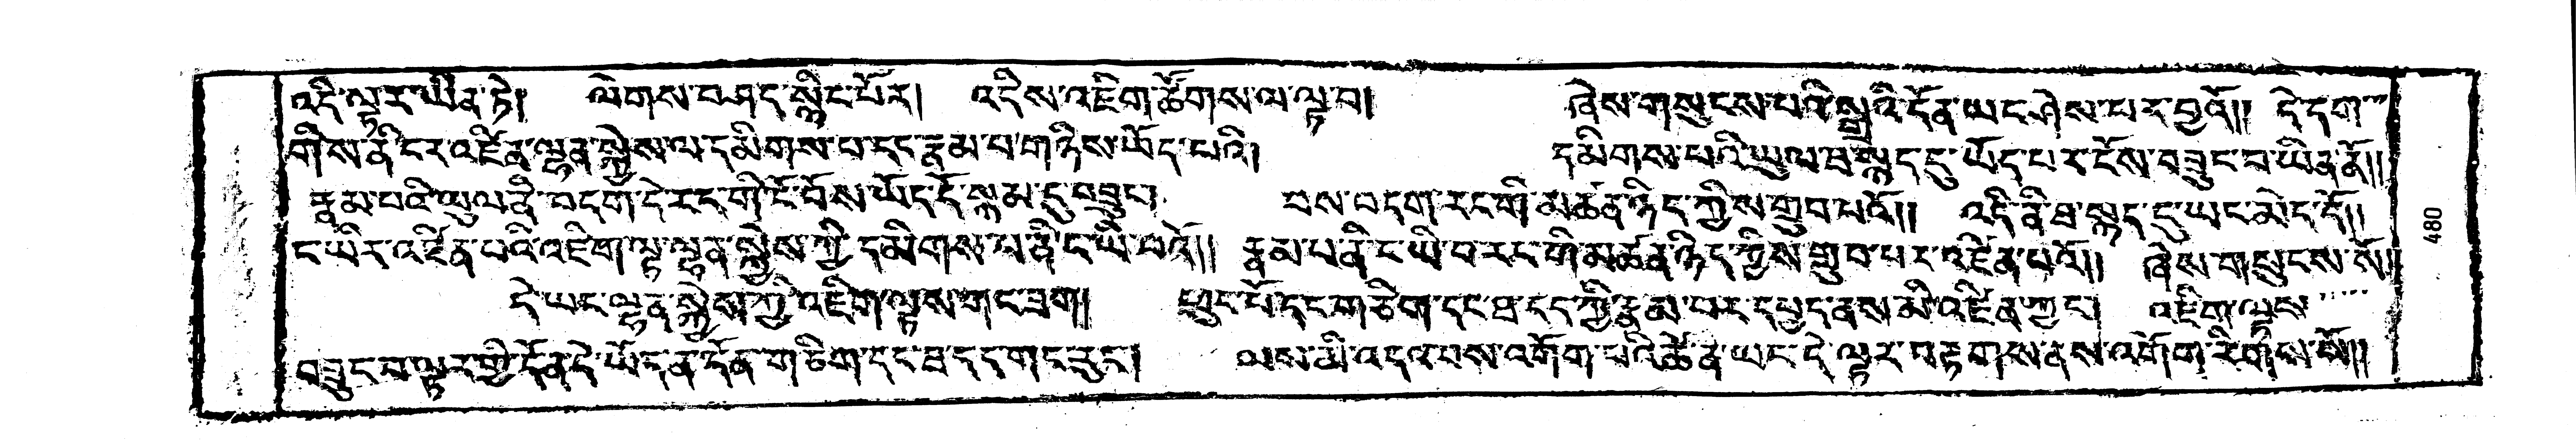འདི་ལྟར་ཡིན་ཏེ། ལེགས་བཤད་སྙིང་པོར། འདིས་འཇིག་ཚོགས་ལ་ལྟ་བ། ཞེས་གསུངས་པའི་སྒྲའི་དོན་ཡང་ཤེས་པར་བྱའོ།། དེ་དག་
གིས་ནི་ངར་འཛིན་ལྷན་སྐྱེས་ལ་དམིགས་པ་དང་རྣམ་པ་གཉིས་ཡོད་པའི། དམིགས་པའི་ཡུལ་ཐ་སྙད་དུ་ཡོད་པར་ངོས་བཟུང་བ་ཡིན་ནོ།།
རྣམ་པའི་ཡུལ་ནི་བདག་དེ་རང་གི་ངོ་བོས་ཡོད་དོ་སྙམ་དུ་བཟུང་། བས་བདག་རང་གི་མཚན་ཉིད་ཀྱིས་གྲུབ་པའོ།། འདི་ནི་ཐ་སྙད་དུ་ཡང་མེད་དོ།།
ང་ཡིར་འཛིན་པའི་འཇིག་ལྟ་ལྷན་སྐྱེས་ཀྱི་དམིགས་པ་ནི་ང་ཡི་བའོ།། རྣམ་པ་ནི་ང་ཡི་བ་རང་གི་མཚན་ཉིད་ཀྱིས་གྲུབ་པར་འཛིན་པའོ།། ཞེས་གསུངས་སོ།
དེ་ཡང་ལྷན་སྐྱེས་ཀྱི་འཇིག་ལྟས་གང་ཟག། ཕུང་པོ་དང་གཅིག་དང་ཐ་དད་ཀྱི་རྣམ་པར་དཔྱད་ནས་མི་འཛིན་ཀྱང་། འཇིག་ལྟས་
བཟུང་བ་ལྟར་གྱི་དོན་དེ་ཡོད་ན་དོན་གཅིག་དང་ཐ་དད་གང་རུང་། ལས་མི་འདའ་བས་འགོག་པའི་ཚེ་ན་ཡང་དེ་ལྟར་བརྟགས་ནས་འགོག་རིགས་སོ།